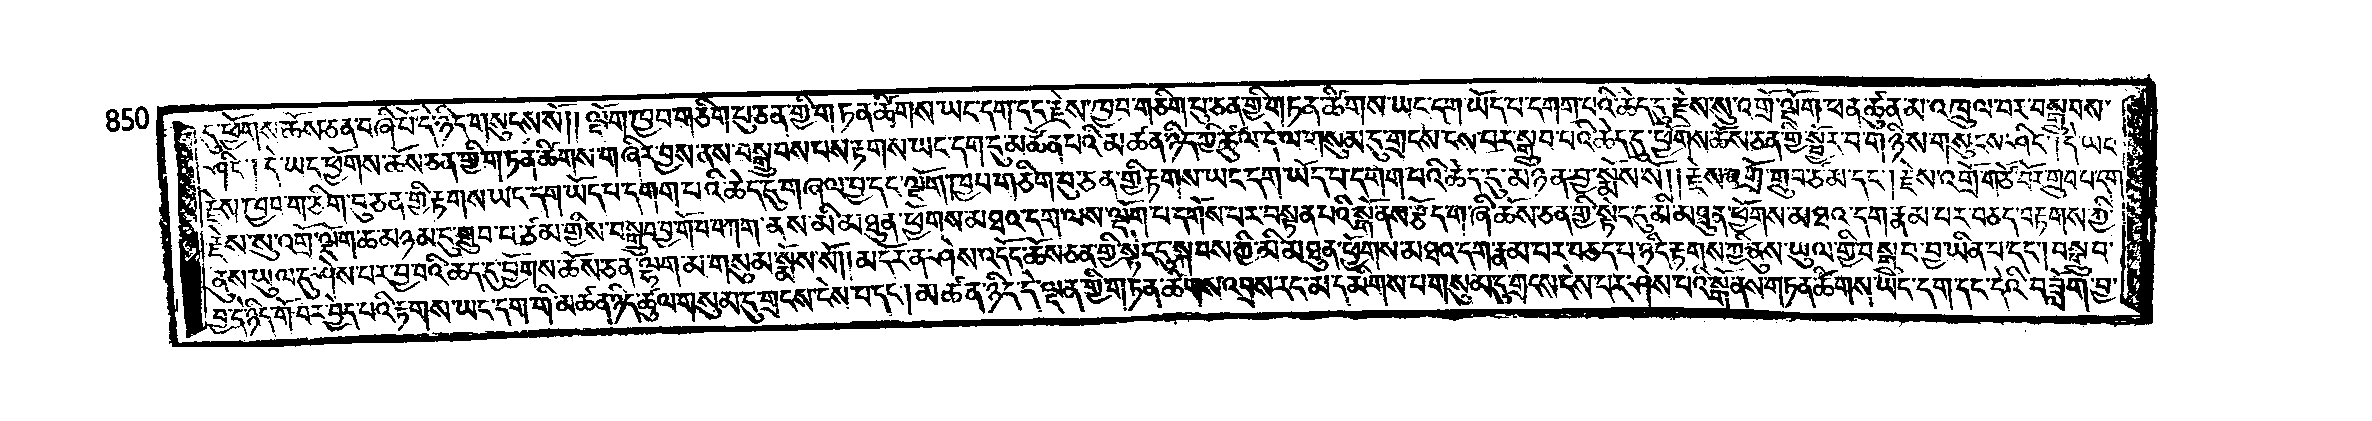དུ་ཕྱོགས་ཆོས་ཅན་བཞི་པོ་དེ་ཉིད་གསུངས་སོ། །ལྡོག་ཁྱབ་གཅིག་པུ་ཅན་གྱི་གཏན་ཚིགས་ཡང་དག་དང་རྗེས་ཁྱབ་གཅིག་པུ་ཅན་གྱི་གཏན་ཚིགས་ཡང་དག་ཡོད་པ་དགག་པའི་ཆེད་དུ་རྗེས་སུ་འགྲོ་ལྡོག་ཕན་ཚུན་མ་འཁྲུལ་བར་བསྒྲུབས་
ཤིང་། དེ་ཡང་ཕྱོགས་ཆོས་ཅན་གྱི་གཏན་ཚིགས་གཞིར་བྱས་ནས་བསྒྲུབས་པས་རྟགས་ཡང་དག་དུ་མཚོན་པའི་མཚན་ཉིད་ཀྱི་ཚུལ་དེ་ལ་གསུམ་དུ་གྲངས་ངེས་པར་སྒྲུབ་པའི་ཆེད་དུ་ཕྱོགས་ཆོས་ཅན་གྱི་སྦྱོར་བ་གཉིས་གསུངས་ཤིང་། དེ་ཡང་
རྗེས་ཁྱབ་གཅིག་བུ་ཅན་གྱི་རྟགས་ཡང་དག་ཡོད་པ་དགག་པའི་ཆེད་དུ་གཞལ་བྱ་དང་ལྡོག་ཁྱབ་གཅིག་པུ་ཅན་གྱི་རྟགས་ཡང་དག་ཡོད་པ་དགག་པའི་ཆེད་དུ་མཉན་བྱ་སྨོས་སོ། །རྗེས་འགྲོ་གྲུབ་ཙམ་དང་། རྗེས་འགྲོ་གཙོ་བོར་གྲུབ་པ་དག་
རྗེས་སུ་འགྲོ་ལྡོག་ཆ་མཉམ་དུ་གྲུབ་པ་ཙམ་གྱིས་བསྒྲུབ་བྱ་གོ་བ་བཀག་ནས་མི་མཐུན་ཕྱོགས་མཐའ་དག་ལས་ལྡོག་པ་དགོས་པར་བསྟན་པའི་སྒོ་ནས་རྩོད་གཞི་ཆོས་ཅན་གྱི་སྟེང་དུ་མི་མཐུན་ཕྱོགས་མཐའ་དག་རྣམ་པར་བཅད་བརྟགས་ཀྱི་
ནུས་ཡུལ་དུ་ཤེས་པར་བྱ་བའི་ཆེད་དུ་ཕྱོགས་ཆོས་ཅན་ལྷག་མ་གསུམ་སྨོས་སོ། །མདོར་ན་ཤེས་འདོད་ཆོས་ཅན་གྱི་སྟེང་དུ་སྐབས་ཀྱི་མི་མཐུན་ཕྱོགས་མཐའ་དག་རྣམ་པར་བཅད་པ་ཉིད་རྟགས་ཀྱི་ནུས་ཡུལ་གྱི་བསྒྲུབ་བྱ་ཡིན་པ་དང་། བསྒྲུབ་
བྱ་དེ་ཉིད་གོ་བར་བྱེད་པའི་རྟགས་ཡང་དག་གི་མཚན་ཉིད་ཚུལ་གསུམ་དུ་གྲངས་ངེས་པ་དང་མཚན་ཉིད་དེ་ལྡན་གྱི་གཏན་ཚིགས་འབྲས་རང་མ་དམིགས་པ་གསུམ་དུ་གྲངས་ངེས་པར་ཤེས་པའི་སྒོ་ནས་གཏན་ཚིགས་ཡང་དག་དང་དེའི་བཟློག་བྱ་